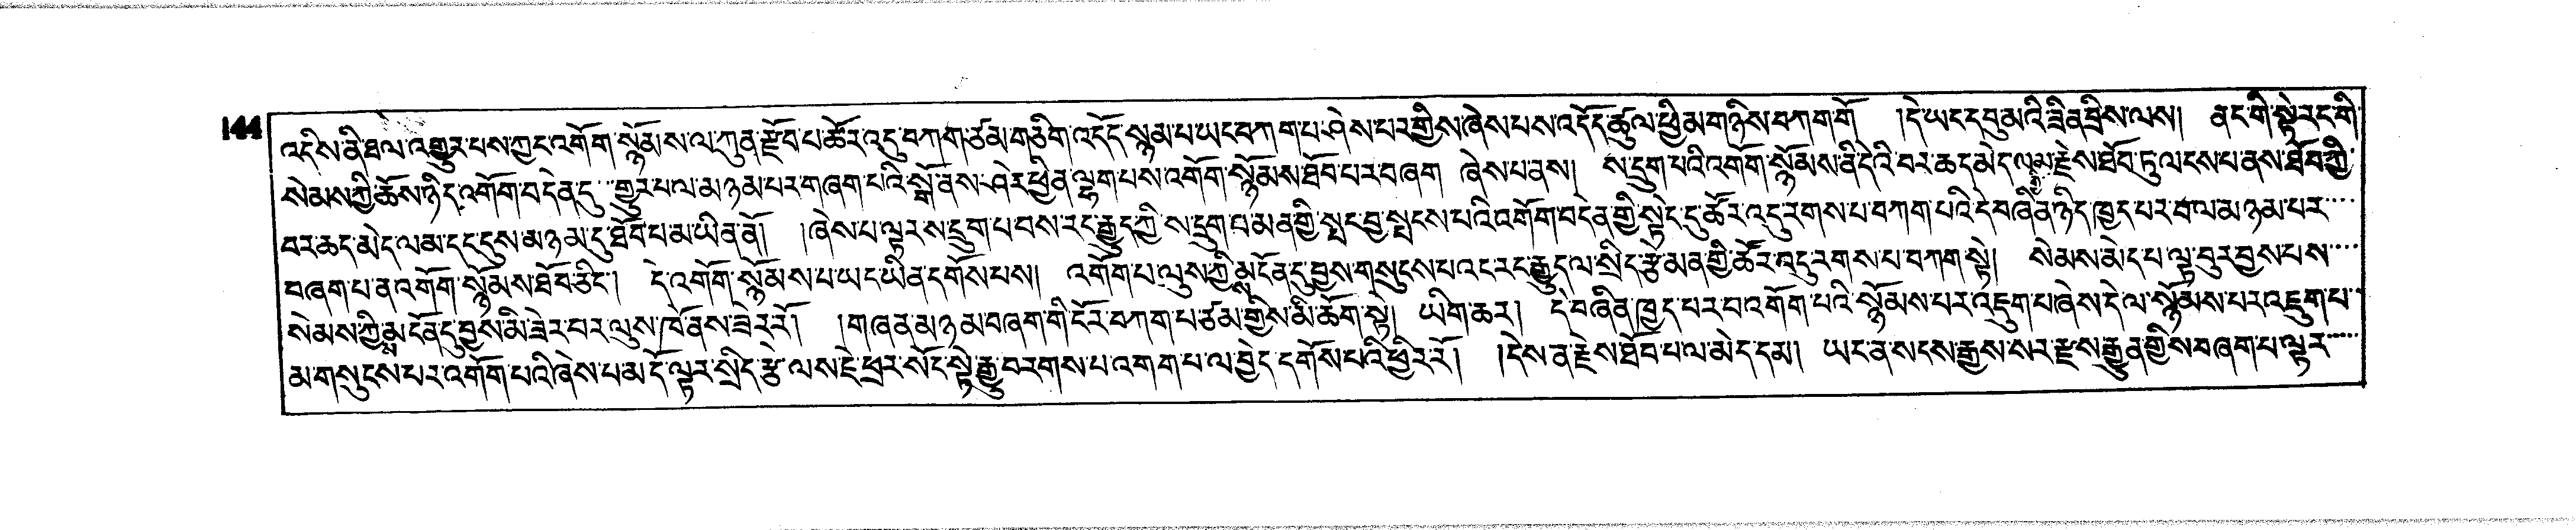འདིས་ནི་ཐལ་འགྱུར་པས་ཀྱང་འགོག་སྙོམས་ལ་ཀུན་རྫོབ་པ་ཚོར་འདུ་བཀག་ཙམ་གཅིག་འདོད་སྙམ་པ་ཡང་བཀག་པ་ཤེས་པར་གྱིས་ཞེས་པས་འདོད་ཚུལ་ཕྱི་མ་གཉིས་བཀག་གོ །དེ་ཡང་དབུ་མའི་ཟིན་བྲིས་ལས། ནང་གི་སྟེ་རང་གི་
སེམས་ཀྱི་ཆོས་ཉིད་འགོག་བདེན་དུ་གྱུར་པ་ལ་མཉམ་པར་གཞག་པའི་སྒོ་ནས་ཤེར་ཕྱིན་ལྷག་པས་འགོག་སྙོམས་ཐོབ་པར་བཞག་ཞེས་པ་ནས། ས་དྲུག་པའི་འགོག་སྙོམས་ནི་དེའི་བར་ཆད་མེད་ལམ་གྱི་རྗེས་ཐོབ་ཏུ་ལངས་པ་ནས་ཐོབ་ཀྱི་
བར་ཆད་མེད་ལམ་དང་དུས་མཉམ་དུ་ཐོབ་པ་མ་ཡིན་ནོ། །ཞེས་པ་ལྟར་ས་དྲུག་པ་བས་རང་རྒྱུད་ཀྱི་ས་དྲུག་པ་མན་གྱི་སྤང་བྱ་སྤངས་པའི་འགོག་བདེན་གྱི་སྟེང་དུ་ཚོར་འདུ་རགས་པ་བཀག་པའི་དེ་བཞིན་ཉིད་ཁྱད་པར་བ་ལ་མཉམ་པར་
བཞག་པ་ན་འགོག་སྙོམས་ཐོབ་ཅིང་། དེ་འགོག་སྙོམས་པ་ཡང་ཡིན་དགོས་པས། འགོག་པ་ལུས་ཀྱིས་མངོན་དུ་བྱས་གསུངས་པའང་རང་རྒྱུད་ལ་སྲིད་རྩེ་མན་གྱི་ཚོར་འདུ་རགས་པ་བཀག་སྟེ། སེམས་མེད་པ་ལྟ་བུར་བྱས་པས་
སེམས་ཀྱིས་མངོན་དུ་བྱས་མི་ཟེར་བར་ལུས་ཁོ་ནས་ཟེར་རོ། །གཞན་མཉམ་བཞག་གི་ངོར་བཀག་པ་ཙམ་གྱིས་མི་ཆོག་སྟེ། ཡིག་ཆར། དེ་བཞིན་ཁྱད་པར་བ་འགོག་པའི་སྙོམས་པར་འཇུག་པ་ཞེས་དེ་ལ་སྙོམས་པར་འཇུག་པ་
མ་གསུངས་པར་འགོག་པའི་ཞེས་པ་མདོ་ལྟར་སྲིད་རྩེ་ལས་ཇེ་ཕྲར་སོང་སྟེ་རྒྱུ་བ་རགས་པ་འགག་པ་ལ་བྱེད་དགོས་པའི་ཕྱིར་རོ། །དེས་ན་རྗེས་ཐོབ་པ་ལ་མེད་དམ། ཡང་ན་སངས་རྒྱས་སར་རྫས་རྒྱུན་གྱིས་བཞག་པ་ལྟར་